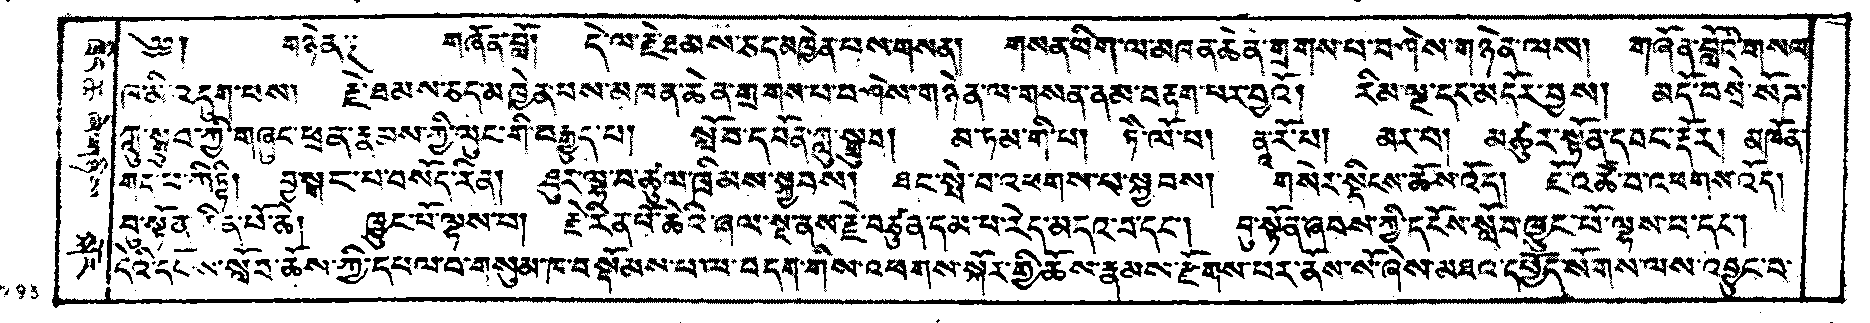༄༅། །གཉེན༑ གཞོན་བློ། དེ་ལ་རྗེ་ཐམས་ཅད་མཁྱེན་པས་གསན། གསན་ཡིག་ལ་མཁན་ཆེན་གྲགས་པ་བཤེས་གཉེན་ལས། གཞོན་བློའི་གསལ་
ཁ་མི་འདུག་པས། རྗེ་ཐམས་ཅད་མཁྱེན་པས་མཁན་ཆེན་གྲགས་པ་བཤེས་གཉེན་ལ་གསན་ནམ་བརྟག་པར་བྱའོ། རིམ་ལྔ་དང་མདོར་བྱས། མདོ་བསྲེ་སོགས་
ཀླུ་སྒྲུབ་ཀྱི་གཞུང་ཕྲན་རྣམས་ཀྱི་ལུང་གི་བརྒྱུད་པ། སློབ་དཔོན་ཀླུ་སྒྲུབ། མ་ཏམ་གི་པ། ཏཻ་ལོ་པ། ནཱ་རོ་པ། མར་པ། མཚུར་སྟོན་དབང་རྡོར། མཁོན་
གད་པ་ཀིཏྟི། བྱ་སྒང་པ་བསོད་རིན། ཐུར་ལྷ་བ་ཚུལ་ཁྲིམས་སྐྱབས། ཐང་སྤེ་བ་འཕགས་པ་སྐྱབས། གསེར་སྡིངས་ཆོས་འོད། ཇོ་འཚོ་བ་འཕགས་འོད།
བུ་སྟོན་རིན་པོ་ཆེ། ཁྱུང་པོ་ལྷས་པ། རྗེ་རིན་པོ་ཆེའི་ཞལ་སྔ་ནས་རྗེ་བཙུན་དམ་པ་རེད་མདའ་བ་དང་། བུ་སྟོན་ཞབས་ཀྱི་དངོས་སློབ་ཁྱུང་པོ་ལྷས་པ་དང་།
དེའི་དངོས་སློབ་ཆོས་ཀྱི་དཔལ་བ་གསུམ་ཁ་བསྡོམས་པ་ལ་བདག་གིས་འཕགས་སྐོར་གྱི་ཆོས་རྣམས་རྫོགས་པར་ནོས་སོ་ཞེས་མཐའ་དཔྱོད་སོགས་ལས་འབྱུང་བ་